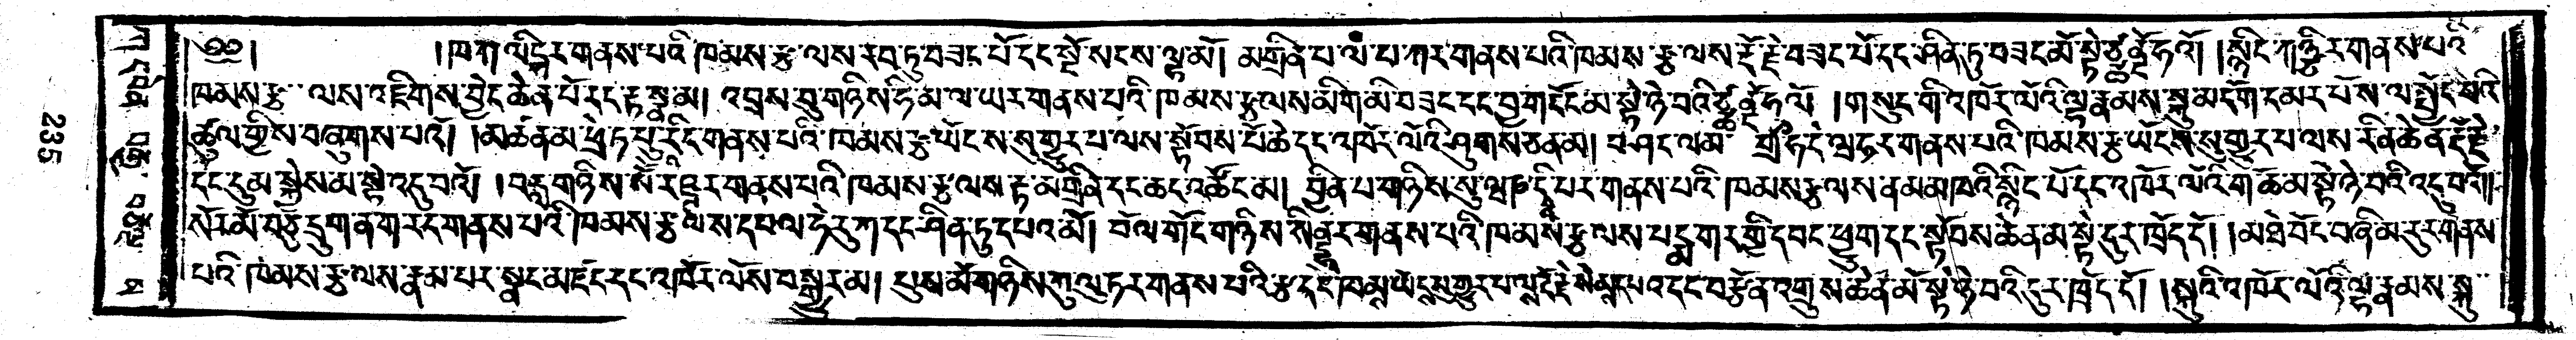༄༅། །ཁ་ཀ་ལིངྐར་གནས་པའི་ཁམས་རྩ་ལས་རབ་ཏུ་བཟུང་པོ་དང་སྔོ་སངས་ལྷ་མོ། མགྲིན་པ་ལཾ་པ་ཀར་གནས་པའི་ཁམས་རྩ་ལས་རྡོ་རྗེ་བཟང་པོ་དང་ཤིན་ཏུ་བཟང་མོ་སྟེ་ཙྪནྡོ་ཧའོ། །སྙིང་ཀཉྩིར་གནས་པའི་
ཁམས་རྩ་ལས་འཇིགས་བྱེད་ཆེན་པོ་རང་རྟ་སྣ་མ། འབྲས་བུ་གཉིས་ཧི་མ་ལ་ཡར་གནས་པའི་ཁམས་རྩ་ལས་མིག་མི་བཟང་དང་བྱ་གདོང་མ་སྟེ་ཉེ་བའི་ཙྪནྡོ་ཧའོ། །གསུང་གི་འཁོར་ལོའི་ལྷ་རྣམས་སྐུ་མདོག་དམར་པོ་ས་ལ་སྤྱོད་པའི་
ཚུལ་གྱིས་བཞུགས་པའོ། །མཚན་མ་ཕྲེ་ཏ་པུ་རིང་གནས་པའི་ཁམས་རྩ་ཡོངས་སུ་གྱུར་པ་ལས་སྟོབས་པོ་ཆེ་དང་འཁོར་ལོའི་ཤུགས་ཅན་མ། བཤད་ལམ་གྲྀ་ཧ་དེ་ཝ་ཧར་གནས་པའི་ཁམས་རྩ་ཡོངས་སུ་གྱུར་པ་ལས་རིན་ཆེན་རྡོ་རྗེ་
དང་དུམ་སྐྱེས་མ་སྟེ་འདུ་བའོ། །བརླ་གཉིས་སཽ་རིཥྚར་གནས་པའི་ཁམས་རྩ་ལས་རྟ་མགྲིན་དང་ཆད་འཚོང་མ། བྱིན་པ་གཉིས་སུ་ཝ་ཎ་དྭྣི་པར་གནས་པའི་ཁམས་རྩ་ལས་ནམ་མཁའི་སྙིང་པོ་དང་འཁོར་ལོའི་ག་ཆ་མ་སྟེ་ཉེ་བའི་འདུ་བའོ།།
སོར་མོ་བཅུ་དྲུག་ན་ག་རང་གནས་པའི་ཁམས་རྩ་ལས་དཔལ་ཧེ་རུ་ཀ་དང་ཤིན་ཏུ་དཔའ་མོ། བོལ་གོང་གཉིས་སིནྡྷར་གནས་པའི་ཁམས་རྩ་ལས་པདམ་གར་གྱི་དབང་ཕྱུག་དང་སྟོབས་ཆེན་མ་སྟེ་དུར་ཁྲོད་དོ། །མཐེ་བོང་བཞི་མ་རུར་གནས་
པའི་ཁམས་རྩ་ལས་རྣམ་པར་སྣང་མཛད་དང་འཁོར་ལོས་བསྒྱུར་མ། པུས་མོ་གཉིས་ཀུ་ལུ་ཏར་གནས་པའི་རྩ་དང་ཁམས་ཡོངས་སུ་གྱུར་པ་ལས་རྡོ་རྗེ་སེམས་དཔའ་དང་བརྩོན་འགྲུས་ཆེན་མོ་སྟེ་ཉེ་བའི་དུར་ཁྲོད་དོ། །སྐུའི་འཁོར་ལོ་ལྷ་རྣམས་སྐུ་